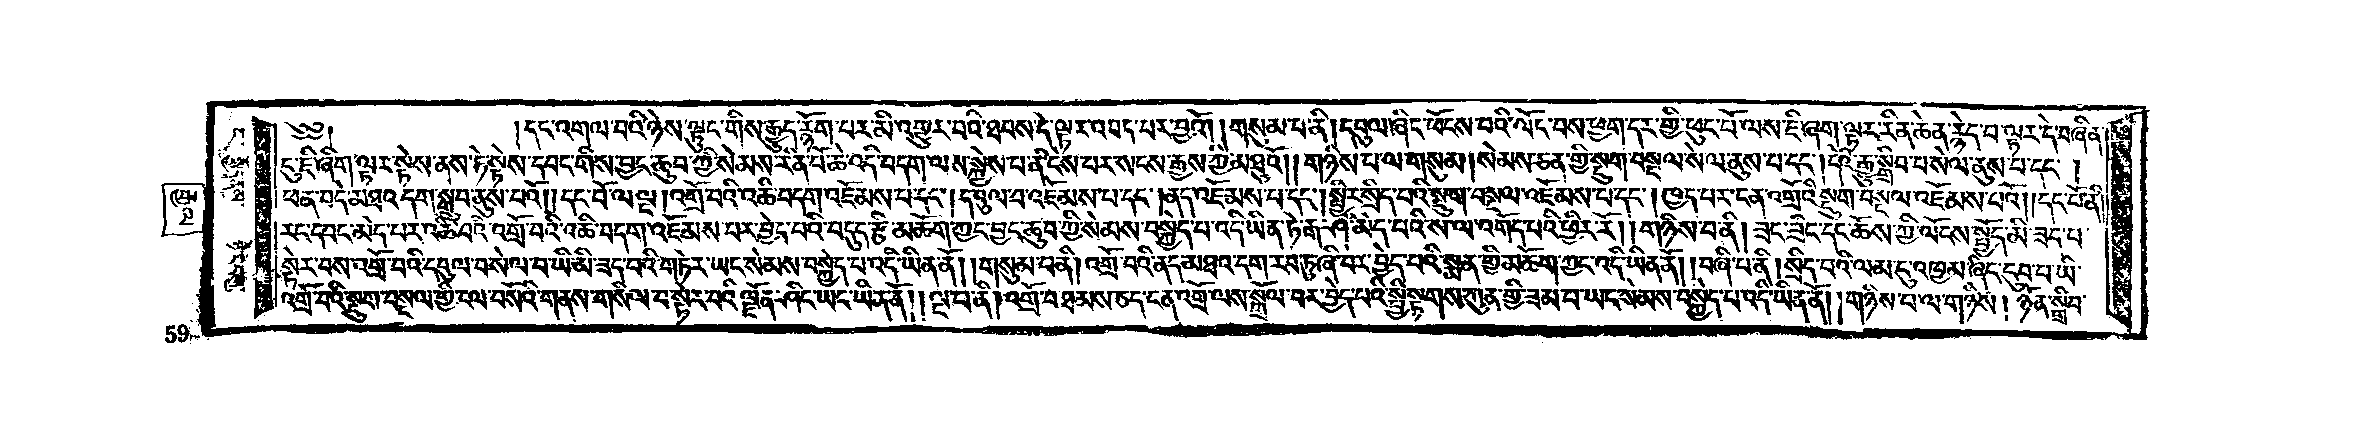༄༅། །དང་འགལ་བའི་ཉེས་ལྟུང་གིས་རྒྱུད་རྙོག་པར་མི་འགྱུར་བའི་ཐབས་དེ་ལྟར་འབད་པར་བྱའོ། །གསུམ་པ་ནི། དབུལ་ཞིང་ཕོངས་པའི་ལོང་བས་ཕྱག་དར་གྱི་ཕུང་པོ་ལས་ཇི་ཞིག་ལྟར་རིན་ཆེན་རྙེད་པ་ལྟར་དེ་བཞིན་
དུ་ཇི་ཞིག་ལྟར་སྟེས་ནས་ཏེ་སྟེས་དབང་གིས་བྱང་ཆུབ་ཀྱི་སེམས་རིན་པོ་ཆེ་འདི་བདག་ལས་སྐྱེས་པ་ནི་ངེས་པར་སངས་རྒྱས་ཀྱི་མཐུའོ། །གཉིས་པ་ལ་གསུམ། སེམས་ཅན་གྱི་སྡུག་བསྔལ་སེལ་ནུས་པ་དང་། དེའི་རྒྱུ་སྒྲིབ་པ་སེམས་ནུས་པ་དང་།
ཕན་བདེ་མཐའ་དག་སྒྲུབ་ནུས་པའོ། །དང་པོ་ལ་ལྔ། འགྲོ་བའི་འཆི་བདག་འཇོམས་པ་དང་། དབུལ་བ་འཇོམས་པ་དང་། ནད་འཇོམས་པ་དང་། སྤྱིར་སྲིད་པའི་སྡུག་བསྔལ་འཇོམས་པ་དང་། ཁྱད་པར་ངན་འགྲོའི་སྡུག་བསྔལ་འཇོམས་པའོ། །དང་པོ་ནི།
རང་དབང་མེད་པར་འཆི་བའི་འགྲོ་བའི་འཆི་བདག་འཇོམས་པར་བྱེད་པའི་བདུད་རྩི་མཆོག་ཀྱང་བྱང་ཆུབ་ཀྱི་སེམས་བསྐྱེད་པ་འདི་ཡིན་ཏེ་རྒ་ཤི་མེད་པའི་ས་ལ་འགོད་པའི་ཕྱིར་རོ། །གཉིས་པ་ནི། ཟང་ཟིང་དང་ཆོས་ཀྱི་ལོངས་སྤྱོད་མི་ཟད་པ་
སྟེར་བས་འགྲོ་བའི་དབུལ་བ་སེལ་བ་ཡི་མི་ཟད་པའི་གཏེར་ཡང་སེམས་བསྐྱེད་པ་འདི་ཡིན་ནོ། །གསུམ་པ་ནི། འགྲོ་བའི་ནད་མཐའ་དག་རབ་ཏུ་ཞི་བར་བྱེད་པའི་སྨན་གྱི་ཆོག་ཀྱང་འདི་ཡིན་ནོ། །བཞིན་པ་ནི། སྲིད་པའི་ལམ་དུ་འཁྱམ་ཞིང་དུབ་པ་ཡི་
འགྲོ་བའི་སྡུག་བསྔལ་གྱི་ངལ་བསོའི་གནས་གསིལ་བ་སྟེར་བའི་ལྗོན་ཤིང་ཡང་ཡིན་ནོ། །ལྔ་པ་ནི། འགྲོ་བ་ཐམས་ཅད་ངན་འགྲོ་ལས་སྒྲོལ་བར་བྱེད་པའི་སྤྱི་སྟགས་ཀུན་གྱི་ཟམ་པ་ཡང་སེམས་བསྐྱེད་པ་འདི་ཡིན་ནོ། །གཉིས་པ་ལ་གཉིས། ཉོན་སྒྲིབ་